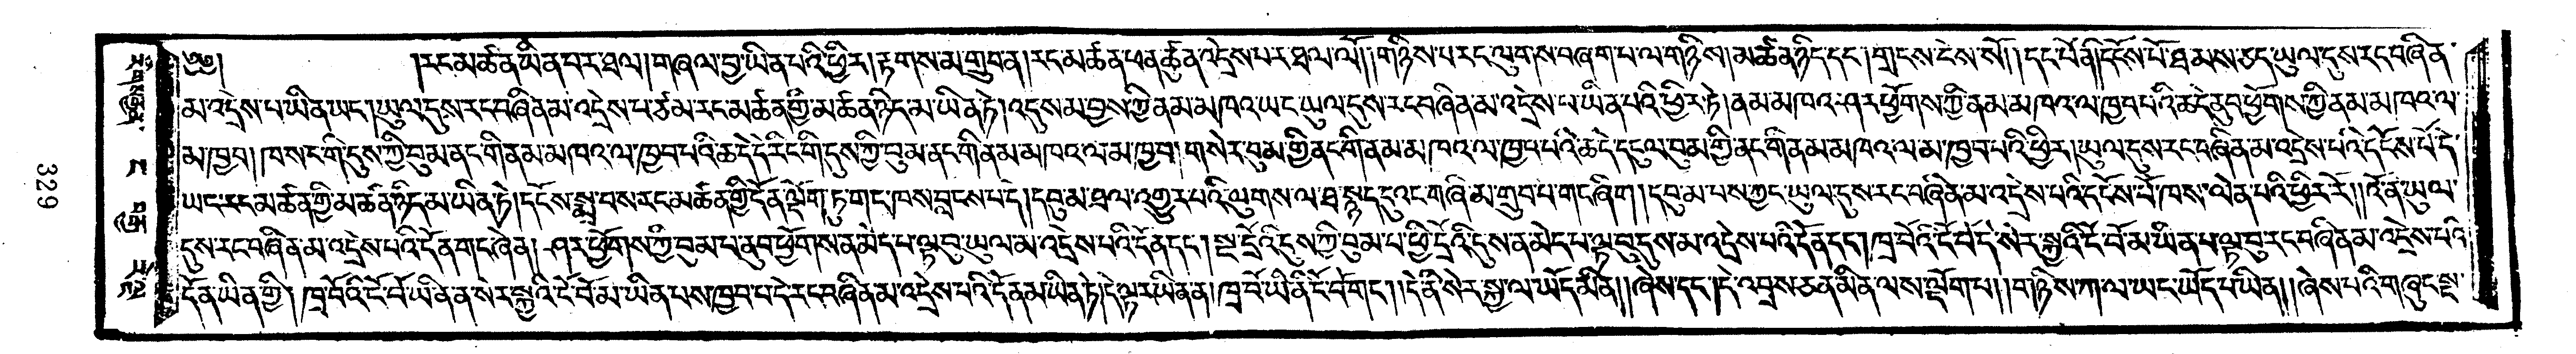༄༅། །རང་མཚན་ཡིན་པར་ཐལ། གཞལ་བྱ་ཡིན་པའི་ཕྱིར། རྟགས་མ་གྲུབ་ན། རང་མཚན་ཕན་ཚུན་འདྲེས་པར་ཐལ་ལོ། །གཉིས་པ་རང་ལུགས་བཞག་པ་ལ་གཉིས། མཚན་ཉིད་དང་། གྲངས་ངེས་སོ། །དང་པོ་ནི། དངོས་པོ་ཐམས་ཅད་ཡུལ་དུས་རང་བཞིན་
མ་འདྲེས་པ་ཡིན་ཡང་། ཡུལ་དུས་རང་བཞིན་མ་འདྲེས་པ་ཙམ་རང་མཚན་གྱི་མཚན་ཉིད་མ་ཡིན་ཏེ། འདུས་མ་བྱས་ཀྱི་ནམ་མཁའ་ཡང་ཡུལ་དུས་རང་བཞིན་མ་འདྲེས་པ་ཡིན་པའི་ཕྱིར་ཏེ། ནམ་མཁའ་ཤར་ཕྱོགས་ཀྱི་ནམ་མཁའ་ལ་ཁྱབ་པའི་ཆ་དེ་ནུབ་ཕྱོགས་ཀྱི་ནམ་མཁའ་ལ་
མ་ཁྱབ། ཁ་སང་གི་དུས་ཀྱི་བུམ་ནང་གི་ནམ་མཁའ་ལ་ཁྱབ་པའི་ཆ་དེ་དེ་རིང་གི་དུས་ཀྱི་བུམ་ནང་གི་ནམ་མཁའ་ལ་མ་ཁྱབ། གསེར་བུམ་གྱི་ནང་གི་ནམ་མཁའ་ལ་ཁྱབ་པའི་ཆ་དེ་དངུལ་བུམ་གྱི་ནང་གི་ནམ་མཁའ་ལ་མ་ཁྱབ་པའི་ཕྱིར། ཡུལ་དུས་རང་བཞིན་མ་འདྲེས་པའི་དངོས་པོ་དེ་
ཡང་རང་མཚན་གྱི་མཚན་ཉིད་མ་ཡིན་ཏེ། དངོས་སྨྲ་བས་རང་མཚན་གྱི་དོན་ལྡོག་ཏུ་གང་ཁས་བླངས་པ་དེ། དབུ་མ་ཐལ་འགྱུར་བའི་ལུགས་ལ་ཐ་སྙད་དུའང་གཞི་མ་གྲུབ་པ་གང་ཞིག །དབུ་མ་བས་?་ཀྱང་ཡུལ་དུས་རང་བཞིན་མ་འདྲེས་པའི་དངོས་པོ་ཁས་ལེན་པའི་ཕྱིར་རོ། །འོ་ན་ཡུལ་
དུས་རང་བཞིན་མ་འདྲེས་པའི་དོན་གང་ཞེ་ན། ཤར་ཕྱོགས་ཀྱི་བུམ་པ་ནུབ་ཕྱོགས་ན་མེད་པ་ལྟ་བུ་ཡུལ་མ་འདྲེས་པའི་དོན་དང་། སྔ་དྲོའི་དུས་ཀྱི་བུམ་པ་ཕྱི་དྲོའི་དུས་ན་མེད་པ་ལྟ་བུ་དུས་མ་འདྲེས་པའི་དོན་དང་། ཁྲ་བོའི་ངོ་བོ་དེ་སེར་སྐྱའི་ངོ་བོ་མ་ཡིན་པ་ལྟ་བུ་རང་བཞིན་མ་འདྲེས་པའི་
དོན་ཡིན་གྱི། ཁྲ་བོའི་ངོ་བོ་ཡིན་ན་སེར་སྐྱའི་ངོ་བོ་མ་ཡིན་པས་ཁྱབ་པ་དེ་རང་བཞིན་མ་འདྲེས་པའི་དོན་མ་ཡིན་ཏེ། དེ་ལྟར་ཡིན་ན། ཁྲ་བོ་ཡི་ནི་ངོ་བོ་གང་། །དེ་ནི་སེར་སྐྱེ་ལ་ཡོད་མིན། །ཞེས་དང་། དེ་འབྲས་ཅན་མིན་ལས་ལྡོག་པ། །གཉིས་ཀ་ལ་ཡང་ཡོད་པ་ཡིན། །ཞེས་པའི་གཞུང་སྔ་